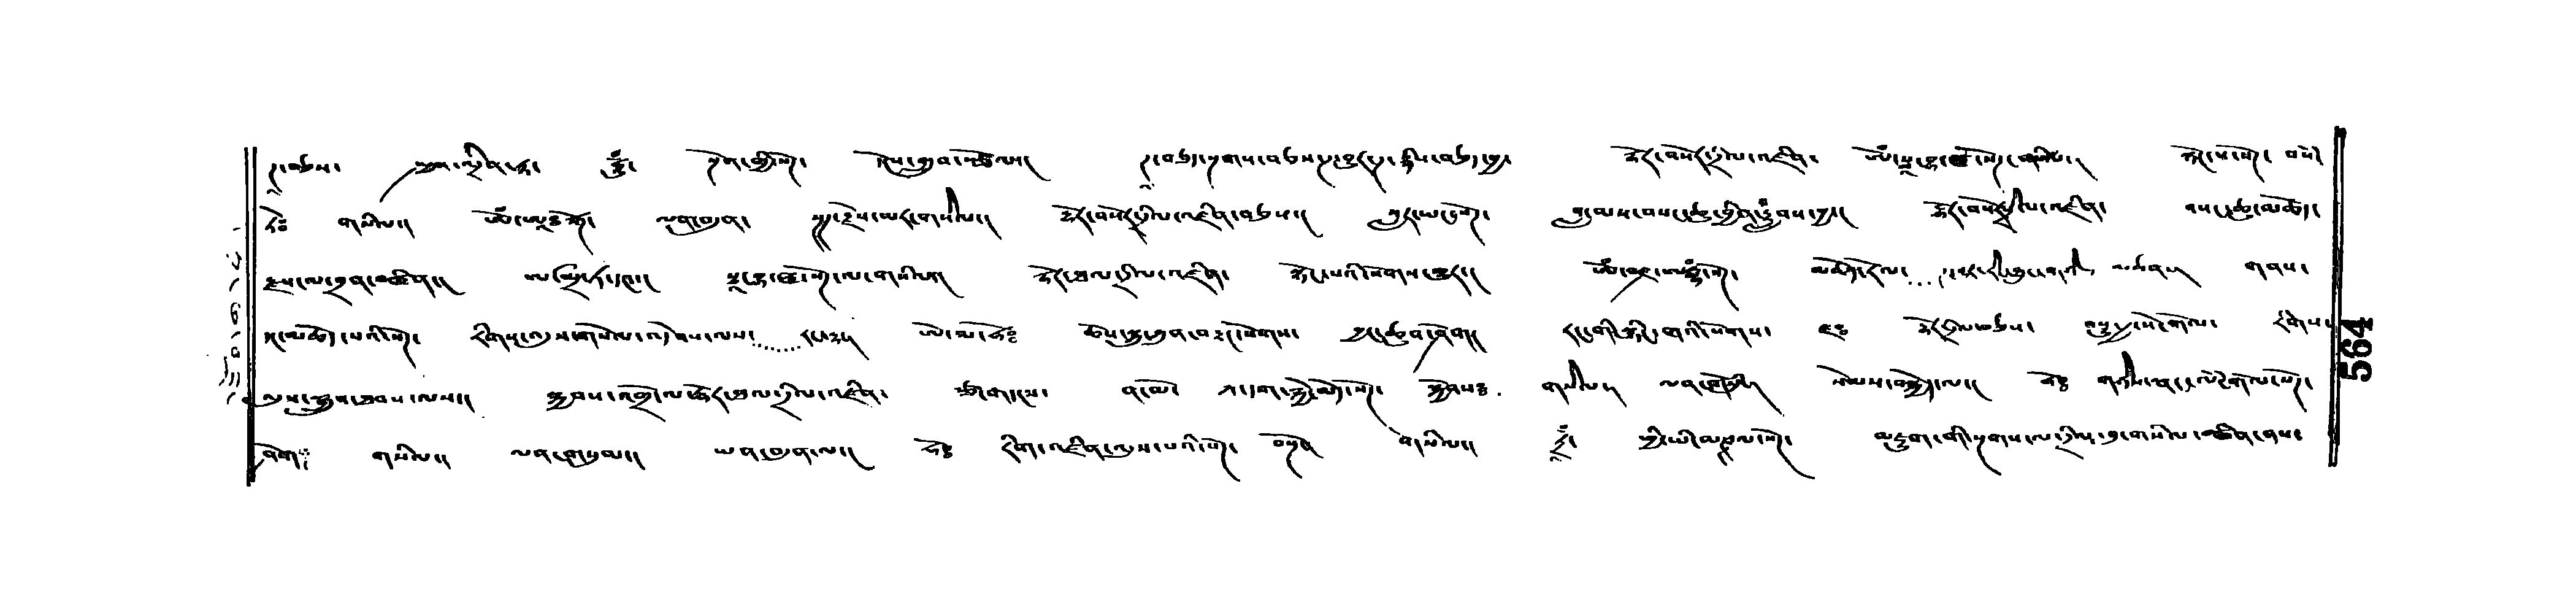ཌཱ་བཅས། སྤྱན་འདྲེན་རྟ། ཧཱུྃ༔ སྔོན་གྱི་སོགས། དངོས་གྲུབ་སྩོལཿ ཌཱ་བཅད། སྔགས་བཅས་ཌཱ་འུར་ཌཱ་ཉིས་བཅད་བྱ། རྡོར་བསོར་དྲིལ་འཛིན། ཨོཾ་སྭཱ་བྷ་ཝ་སོགས། གསིལ། སྟོང་པ་སོགས། བསམ་
ཏེཿ གསིལ། ཨོཾ་ཨཱཿ སོགས། ལན་བདུན། སྔགས་རྗེས་མར་གསིལ། རྡོར་བསོར་དྲིལ་འཛིན་བཅས། སླར་ཡང་སོགས། བླ་མས་བསང་ཆུ་བྱིན་བརླབས་བྱ། རྡོར་བསོར་དྲིལ་འཛིན།བསང་ཆུ་མཆོད་
རྫས་ལ་བྲན་བཞིན། ཨ་མྲྀ་ཏ་དང་། སྭཱ་བྷ་ཝ་སོགས་ལ་གསིལ། རྡོར་ཐལ་དྲིལ་འཛིན། སྟོང་པའི་སོགས། གྱུར། ཨོཾ་བཛྲ་ཨརྒྷཾ་སོགས། མཆོད་རོལ། ཌཱ་འུར་རིང་ཐུང་གཉིས། མཆན། གནས་
དང་མཆོད་པའི་སོགས། རིགས་འདུས་གསོལ་འདེབས་ལས། ཨེ་མ་ཧོཿ ཆོས་སྐུ་ཀུན་བཟང་སོགས། བྱང་ཆུབ་ཤོགཿ རང་གི་སྙིང་གའི་སོགས། ཛཿ རྡོར་དྲིལ་བཅས། བསྡུ་རྒྱ་སེ་གོལ། རིགས་
འདུས་སྒྲུབ་ཐབས་ལས། སྐྱབས་འགྲོ་ལ་རྡོར་ཐལ་དྲིལ་འཛིན། རྩ་གདངས། ན་མོཿ ཀ་དག་སྐྱེ་མེད་སོགས། སྐྱོབསཿ གསིལ། ལན་གསུམ། སེམས་བསྐྱེད་ལ། ཧོཿ གཉིས་སྣང་ལམ་གོལ་སོགས། 
ཤོགཿ གསིལ། ལན་གསུམ། ཡན་བདུན་ལ། ཧོཿ རིག་འཛིན་འདུས་པའི་སོགས། བསྔོཿ གསིལ། ཏྲཱྃ། ཕྱི་ཡི་མཎྜལ་སོགས། མཇུག་གི་སྔགས་ལ་དྲིལ་བུ་གསིལ་བཞིན་